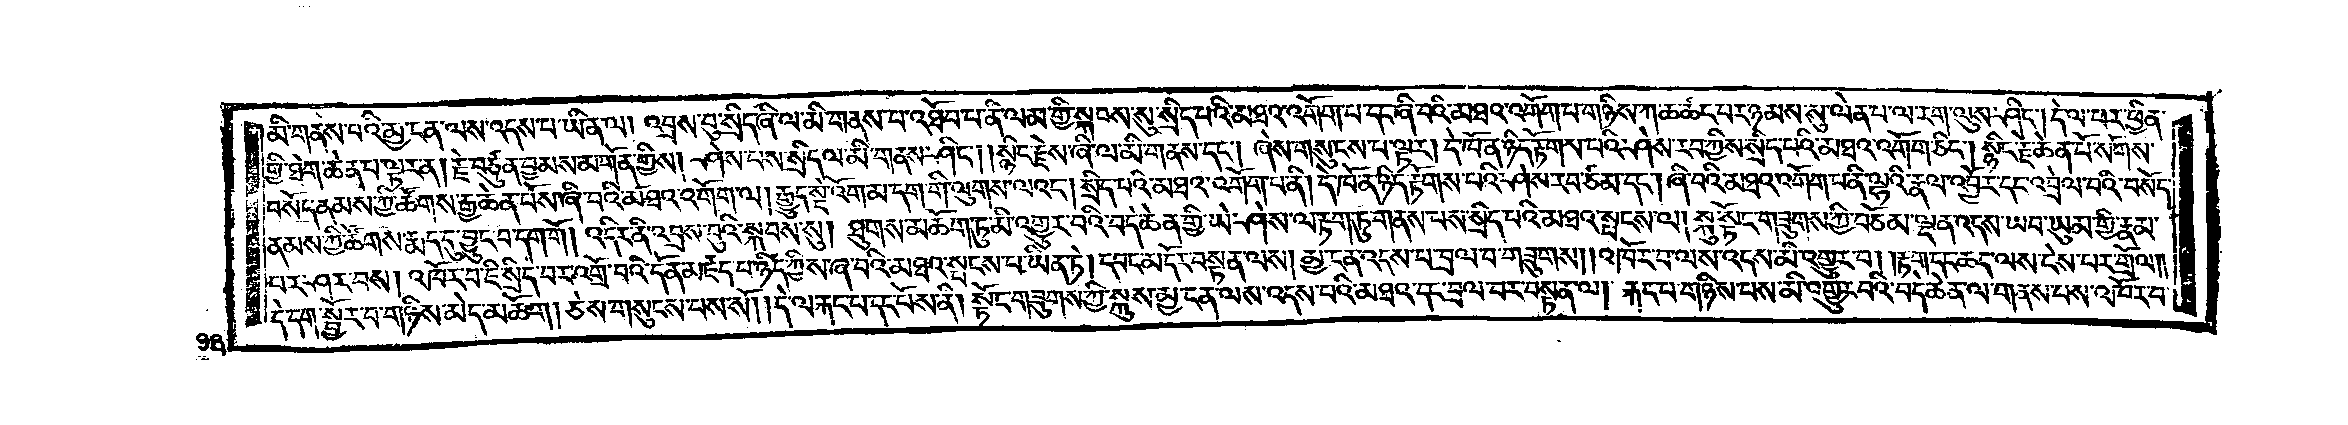མི་གནས་པའི་མྱ་ངན་ལས་འདས་པ་ཡིན་ལ། འབྲས་བུ་སྲིད་ཞི་ལ་མི་གནས་པ་འཐོབ་པ་ནི་ལམ་གྱི་སྐབས་སུ་སྲིད་པའི་མཐའ་འགོག་པ་དང་ཞི་བའི་མཐའ་འགོག་པ་གཉིས་ཀ་ཆ་ཚང་བར་ཉམས་སུ་ལེན་པ་ལ་རག་ལུས་ཤིང་། དེ་ལ་ཕར་ཕྱིན་
གྱི་ཐེག་ཆེན་པ་ལྟར་ན། རྗེ་བཙུན་བྱམས་མགོན་གྱིས། ཤེས་པས་སྲིད་ལ་མི་གནས་ཤིང་། །སྙིང་རྗེས་ཞི་ལ་མི་གནས་དང་། ཞེས་གསུངས་པ་ལྟར། དེ་ཁོ་ན་ཉིད་རྟོགས་པའི་ཤེས་རབ་ཀྱིས་སྲིད་པའི་མཐའ་འགོག་ཅིང་། སྙིང་རྗེ་ཆེན་པོ་སོགས་
བསོད་ནམས་ཀྱི་ཚོགས་རྒྱ་ཆེན་པོས་ཞི་བའི་མཐའ་འགོག་ལ། རྒྱུད་སྡེ་འོག་མ་དག་གི་ལུགས་ལའང་། སྲིད་པའི་མཐའ་འགོག་པ་ནི། དེ་ཁོ་ན་ཉིད་རྟོགས་པའི་ཤེས་རབ་ཙམ་དང་། ཞི་བའི་མཐའ་འགོག་པ་ནི་ལྷའི་རྣལ་འབྱོར་དང་འབྲེལ་བའི་བསོད་
ནམས་ཀྱི་ཚོགས་རྨད་དུ་བྱུང་བ་དག་གོ །འདིར་ནི་འབྲས་བུའི་སྐབས་སུ། ཐུགས་མཆོག་ཏུ་མི་འགྱུར་བའི་བདེ་ཆེན་གྱི་ཡེ་ཤེས་ལ་རྟག་ཏུ་གནས་པས་སྲིད་པའི་མཐའ་སྤངས་ལ། སྐུ་སྟོང་གཟུགས་ཀྱི་བཅོམ་ལྡན་འདས་ཡབ་ཡུམ་གྱི་རྣམ་
པར་ཤར་བས། འཁོར་བ་ཇི་སྲིད་བར་འགྲོ་བའི་དོན་མཛད་པ་ཉིད་ཀྱིས་ཞི་བའི་མཐའ་སྤངས་པ་ཡིན་ཏེ། དབང་མདོར་བསྟན་ལས། མྱ་ངན་འདས་པ་བྲལ་བ་གཟུགས། །འཁོར་བ་ལས་འདས་མི་འགྱུར་བ། །རྟག་དང་ཆད་ལས་ངེས་པར་གྲོལ།།
དེ་དག་སྦྱོར་བ་གཉིས་མད་མཆོག །ཅེས་གསུངས་པས་སོ། །དེ་ལ་རྐང་པ་དང་པོས་ནི། སྟོང་གཟུགས་ཀྱི་སྐུས་མྱ་ངན་ལས་འདས་པའི་མཐའ་དང་བྲལ་བར་བསྟན་ལ། རྐང་པ་གཉིས་པས་མི་འགྱུར་བའི་བདེ་ཆན་ལ་གནས་པས་འཁོར་བ་